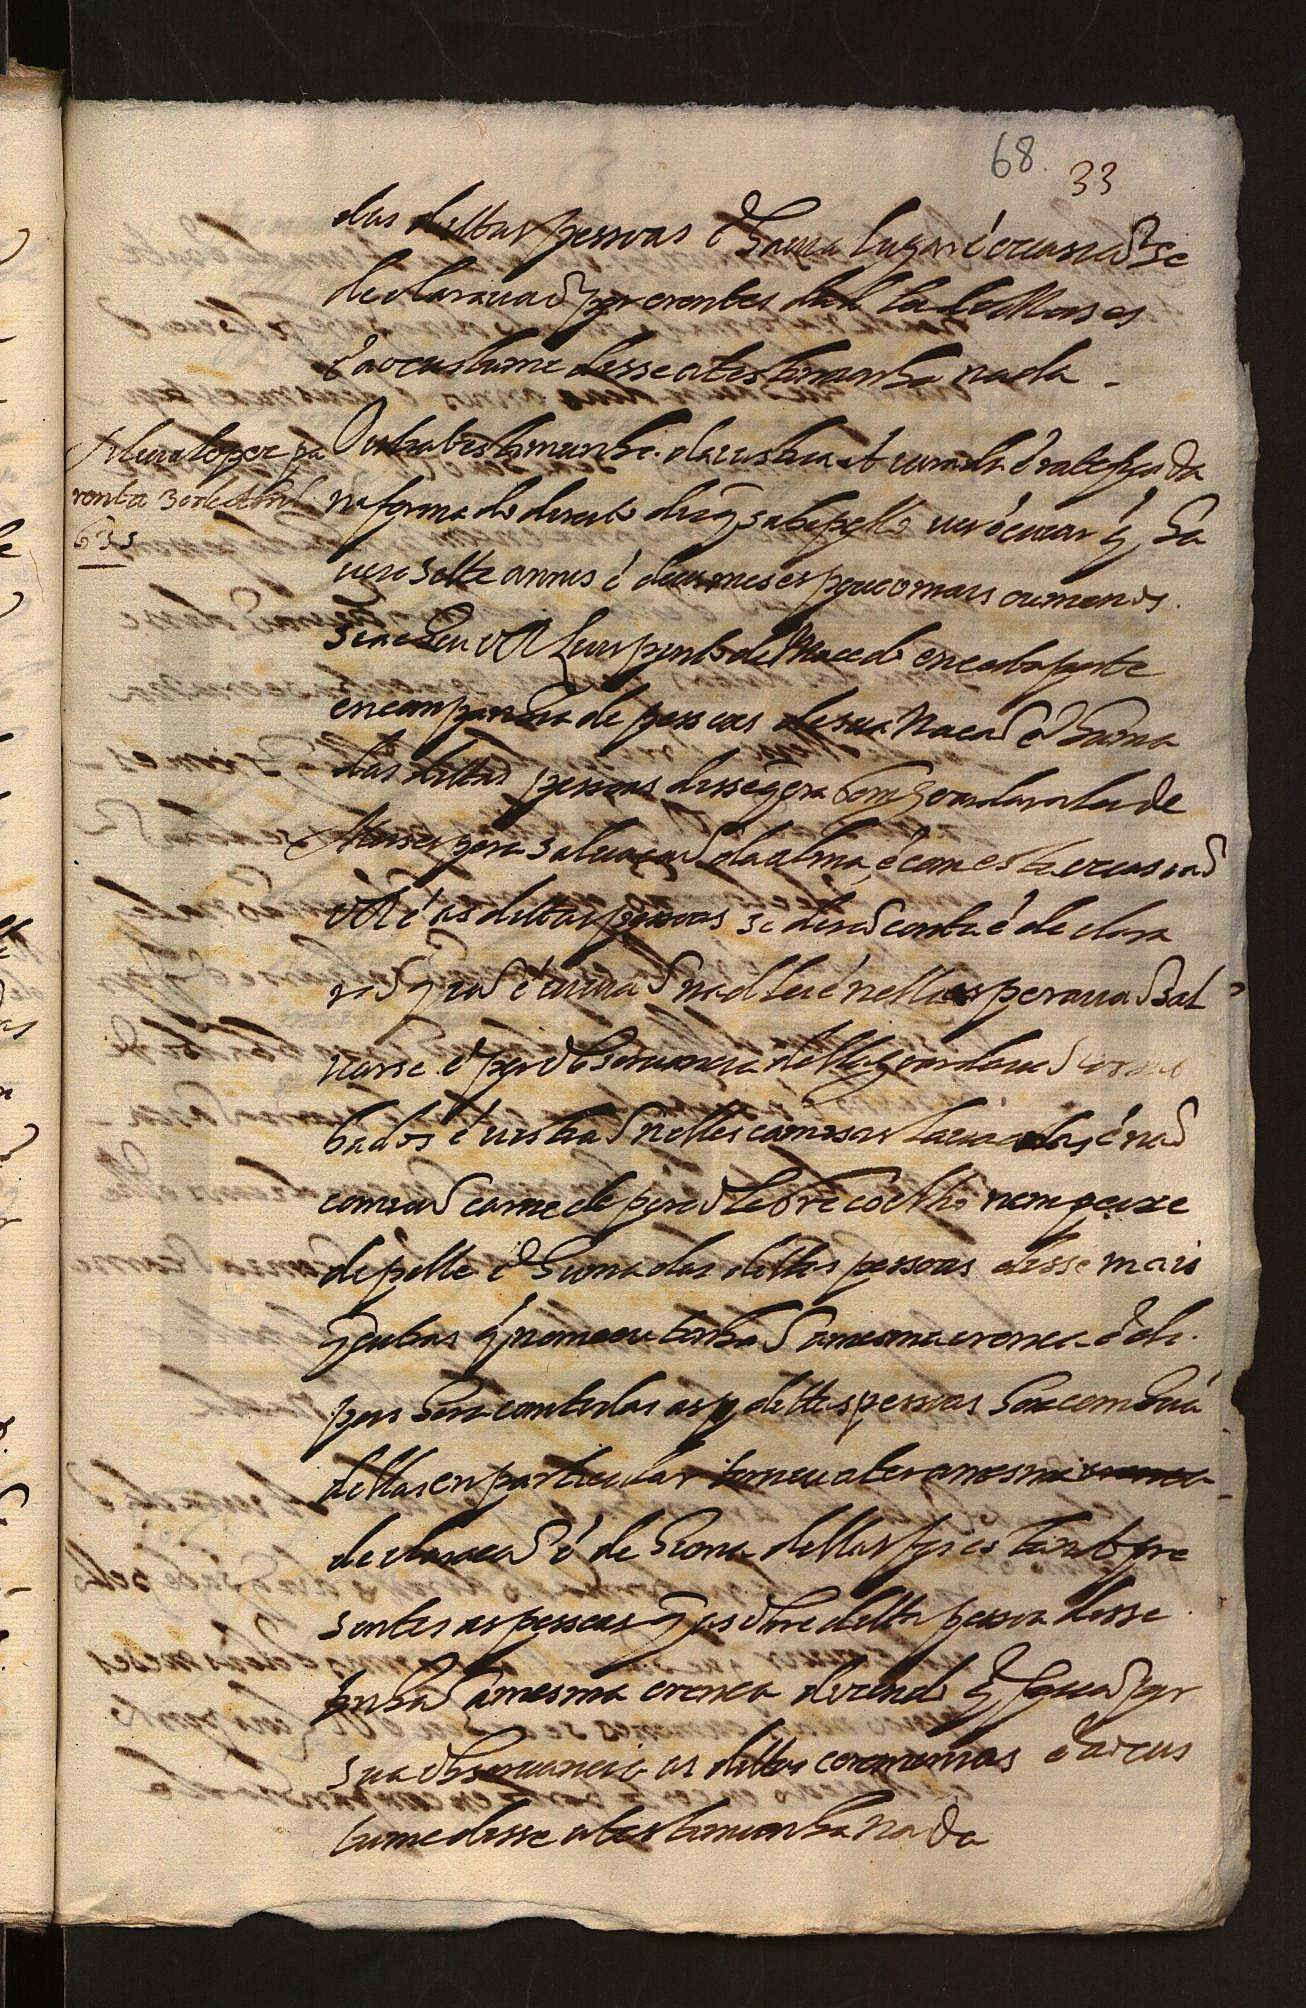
Siluia lopez pa
renta 30 de Abril
635
das dittas pessoas, e hauia lugar e ocasião se
declarauaõ por crentes da d Lei de Moises
E ao custume disse a testimunha nada.
Outra testimunha da iustiça A iurada e rateficada
na forma do direito dis q̄ sabe pello uer e cuzar q̄ ha
uera sette annos e dous meses pouco mais ou menos
se achou o R Luis pinto de Macedo en cada parte
en companhia de pessoas de sua Naçaõ e huma
das dittas pessoas disse q̄ era bom goardar a Lei de
Moizes pera saluaçaõ da alma, e com esta occasiaõ
o R e as dittas pessoas se deraõ conta e declara
raõ q iaõ e uiuiaõ na d lei e nella esperauaõ sal
uarse e por obseruancia della goardauaõ os sab
bados e uestiaõ nelles camisas lauadas e naõ
comiaõ carne de porco lebre coelho nem peixe
de pelle e huma das dittas pessoas disse mais
q̄ outras q̄ nomeou tinhaõ a mesma crença e de
pushera com todas as ꝑdittas pessoas hor com huã
dellas en particular tornou a ter a mesma crença
declaraçaõ e de huma dellas foi estando pre
sentes as pessoas q̄ a sobreditta pessoa disse
tinhaõ a mesma crença dizendo q̄ fasiaõ por
sua obseruancia as dittas ceremonias e ao cus
tume disse a testemunha nada
